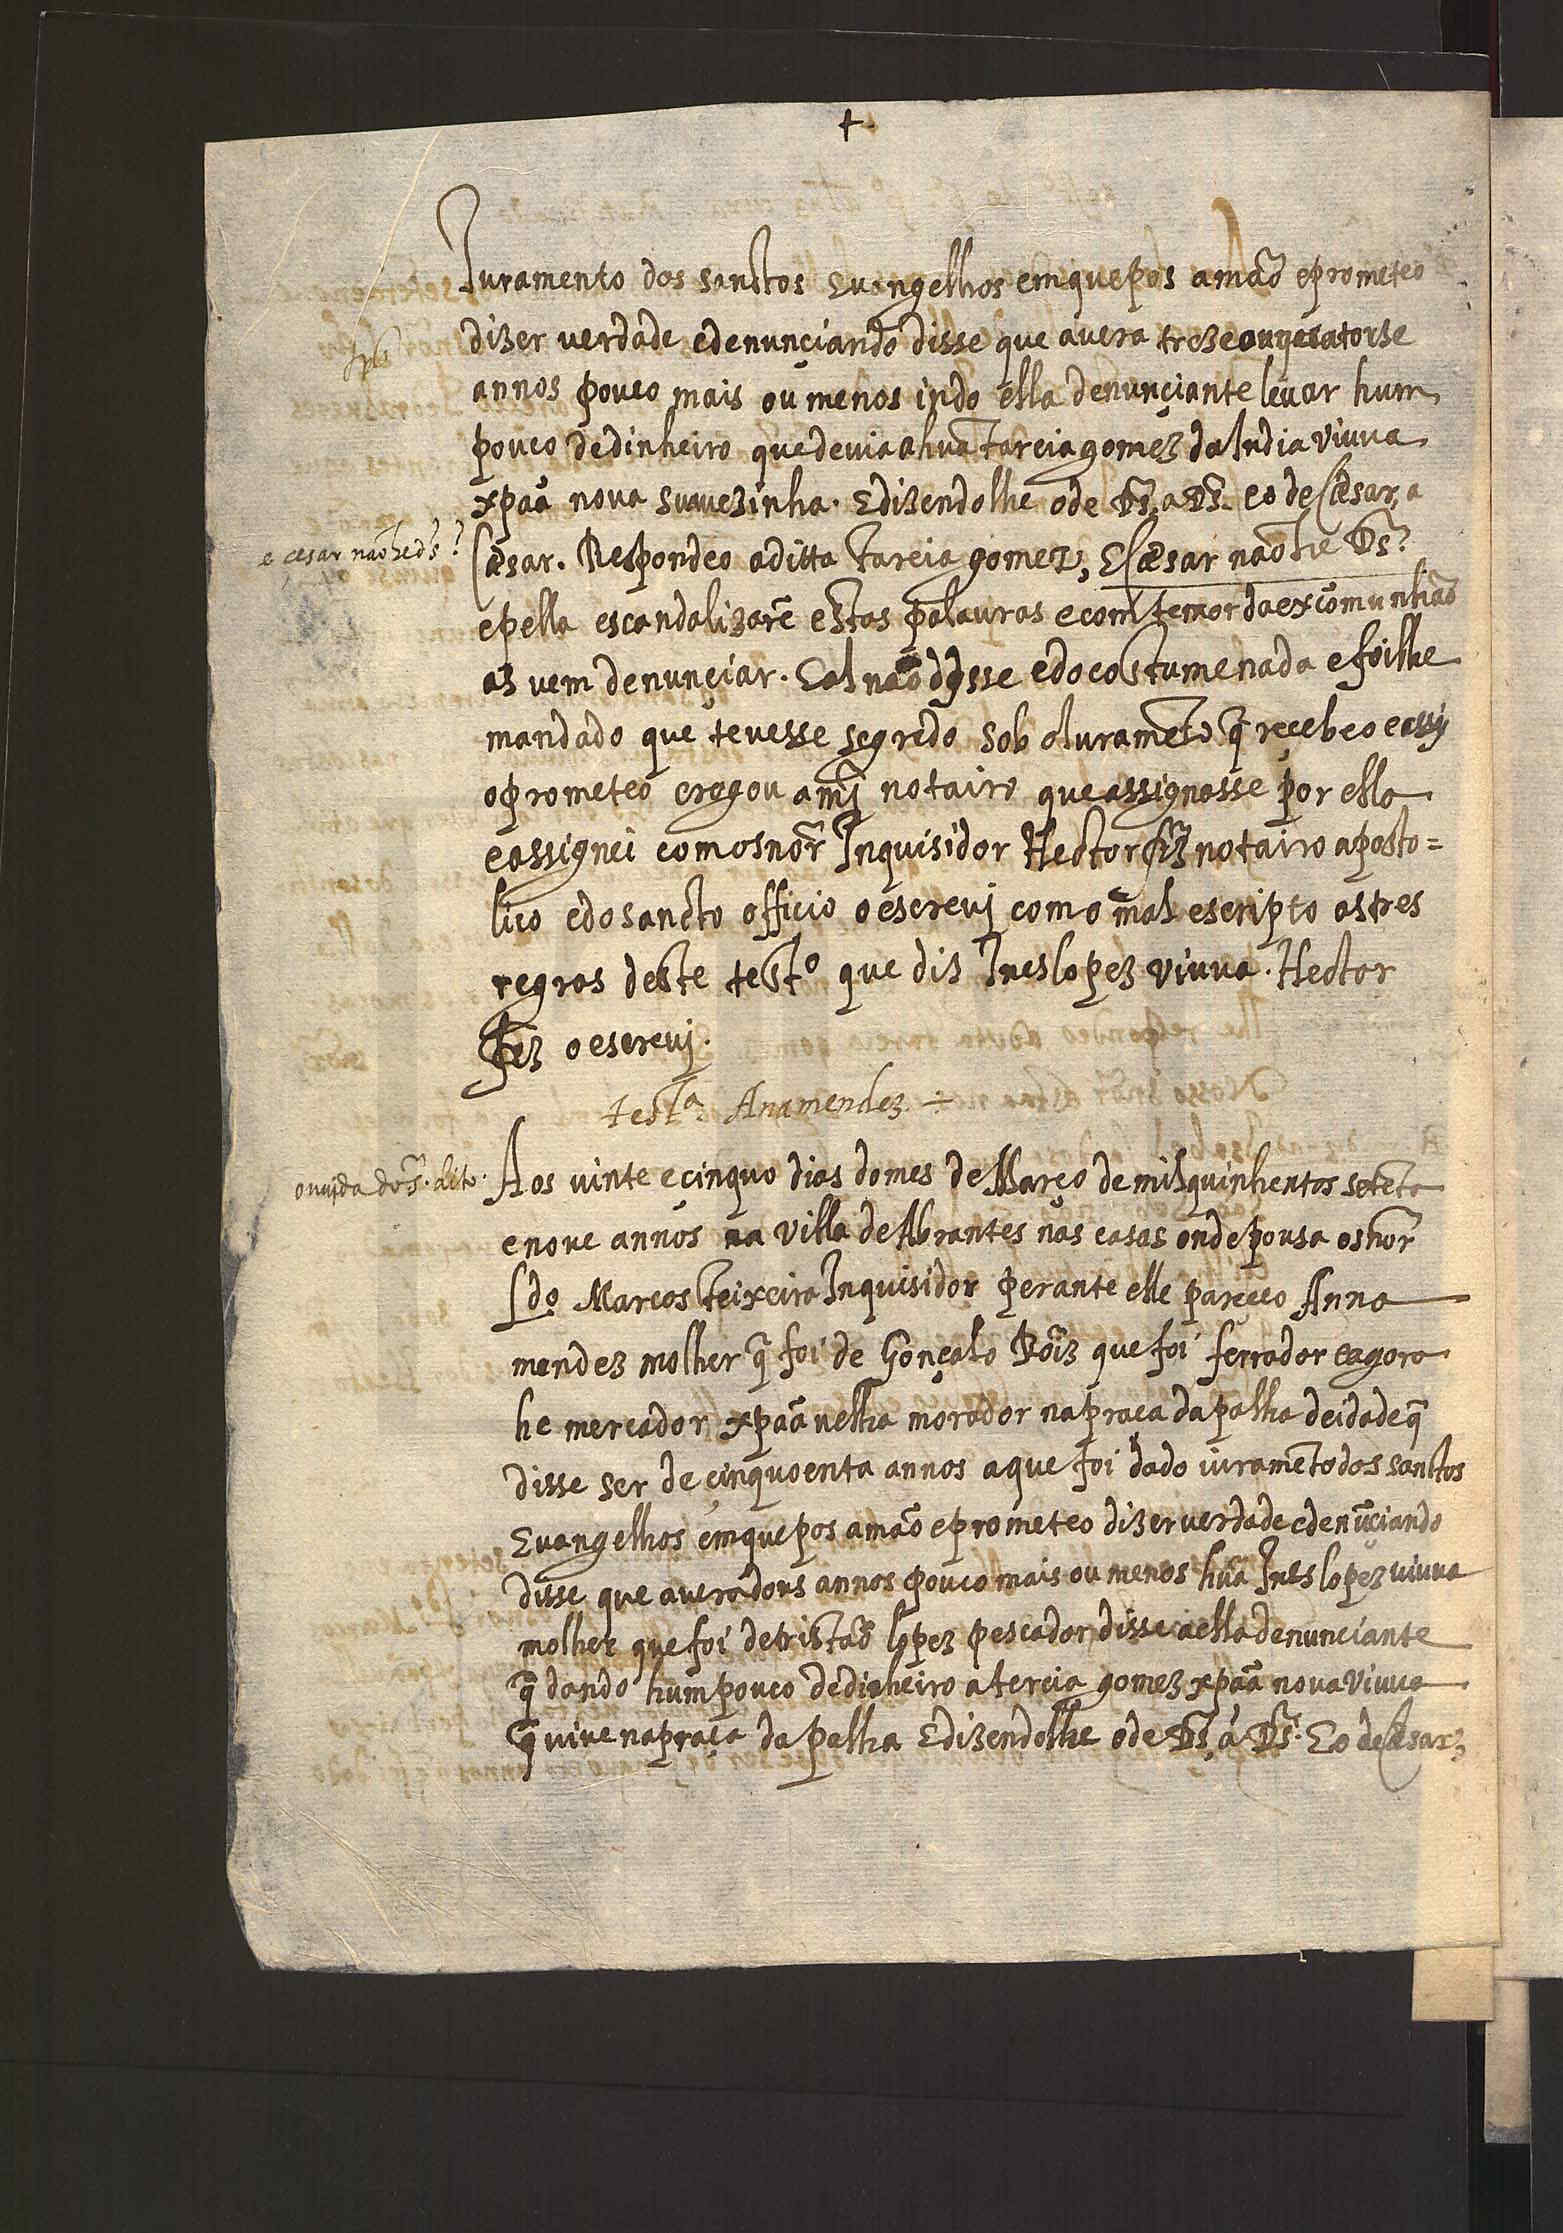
Iuramento dos sanctos Euangelhos em que pos a mão e prometeo
dizer uerdade e denunçiando disse que auera treze ou quatorze
annos pouco mais ou menos indo ella denunçiante leuar hum
pouco de dinheiro que deuia a huā Tareia gomez da India viuua
xpaā noua sua uezinha. E dizendolhe o de Ds̄ a Ds̄ e o de Cæsar, a
Cæsar. Respondeo a ditta Tareia gomez, E Cæsar não he D̄s.
e pella escandalizarē estas palauras e com temor da excōmunhão
as uem denunçiar. E al não disse e do costume nada e foilhe
mandado que teuesse segredo sob o Iuramēto q̄ reçebeo e assy
o prometeo e rogou a mj̄ notairo que assignasse por ella
e assignei com o snor̄ Inquisidor Hector fr̄z notairo aposto
lico e do sancto officio o escreuj com o mal escripto as tres
regras deste testo que dis Ines lopez viuua. Hector
fr̄z o escreuvj.
testa. Ana mendez
Aos uinte e çinquo dias do mes de Março de mil quinhentos setēta
e noue annos na villa de Abrantes nas casas onde pousa o sn̄or
Ldo. Marcos Teixeira Inquisidor perante elle pareçeo Anna
mendez molher q̄ foi de Gonçalo Roīz que foi ferrador e agora
he mercador xpaã uelha morador na praça da palha de idade q̄
disse ser de çinquoenta annos a que foi dado iuramēto dos sanctos
Euangelhos em que pos a mão e prometeo dizer uerdade e denūçiando
disse que auera dous annos pouco mais ou menos hua Jnes lopez viuua
molher que foi de tristão lopez pescador disse a ella denunciante
q̄ dando hum pouco de dinheiro a tereia gomez xpãa noua viuua
q̄ uiue na praça da palha E dizendolhe o de Ds̄ a Ds̄ E o de Cæsar
